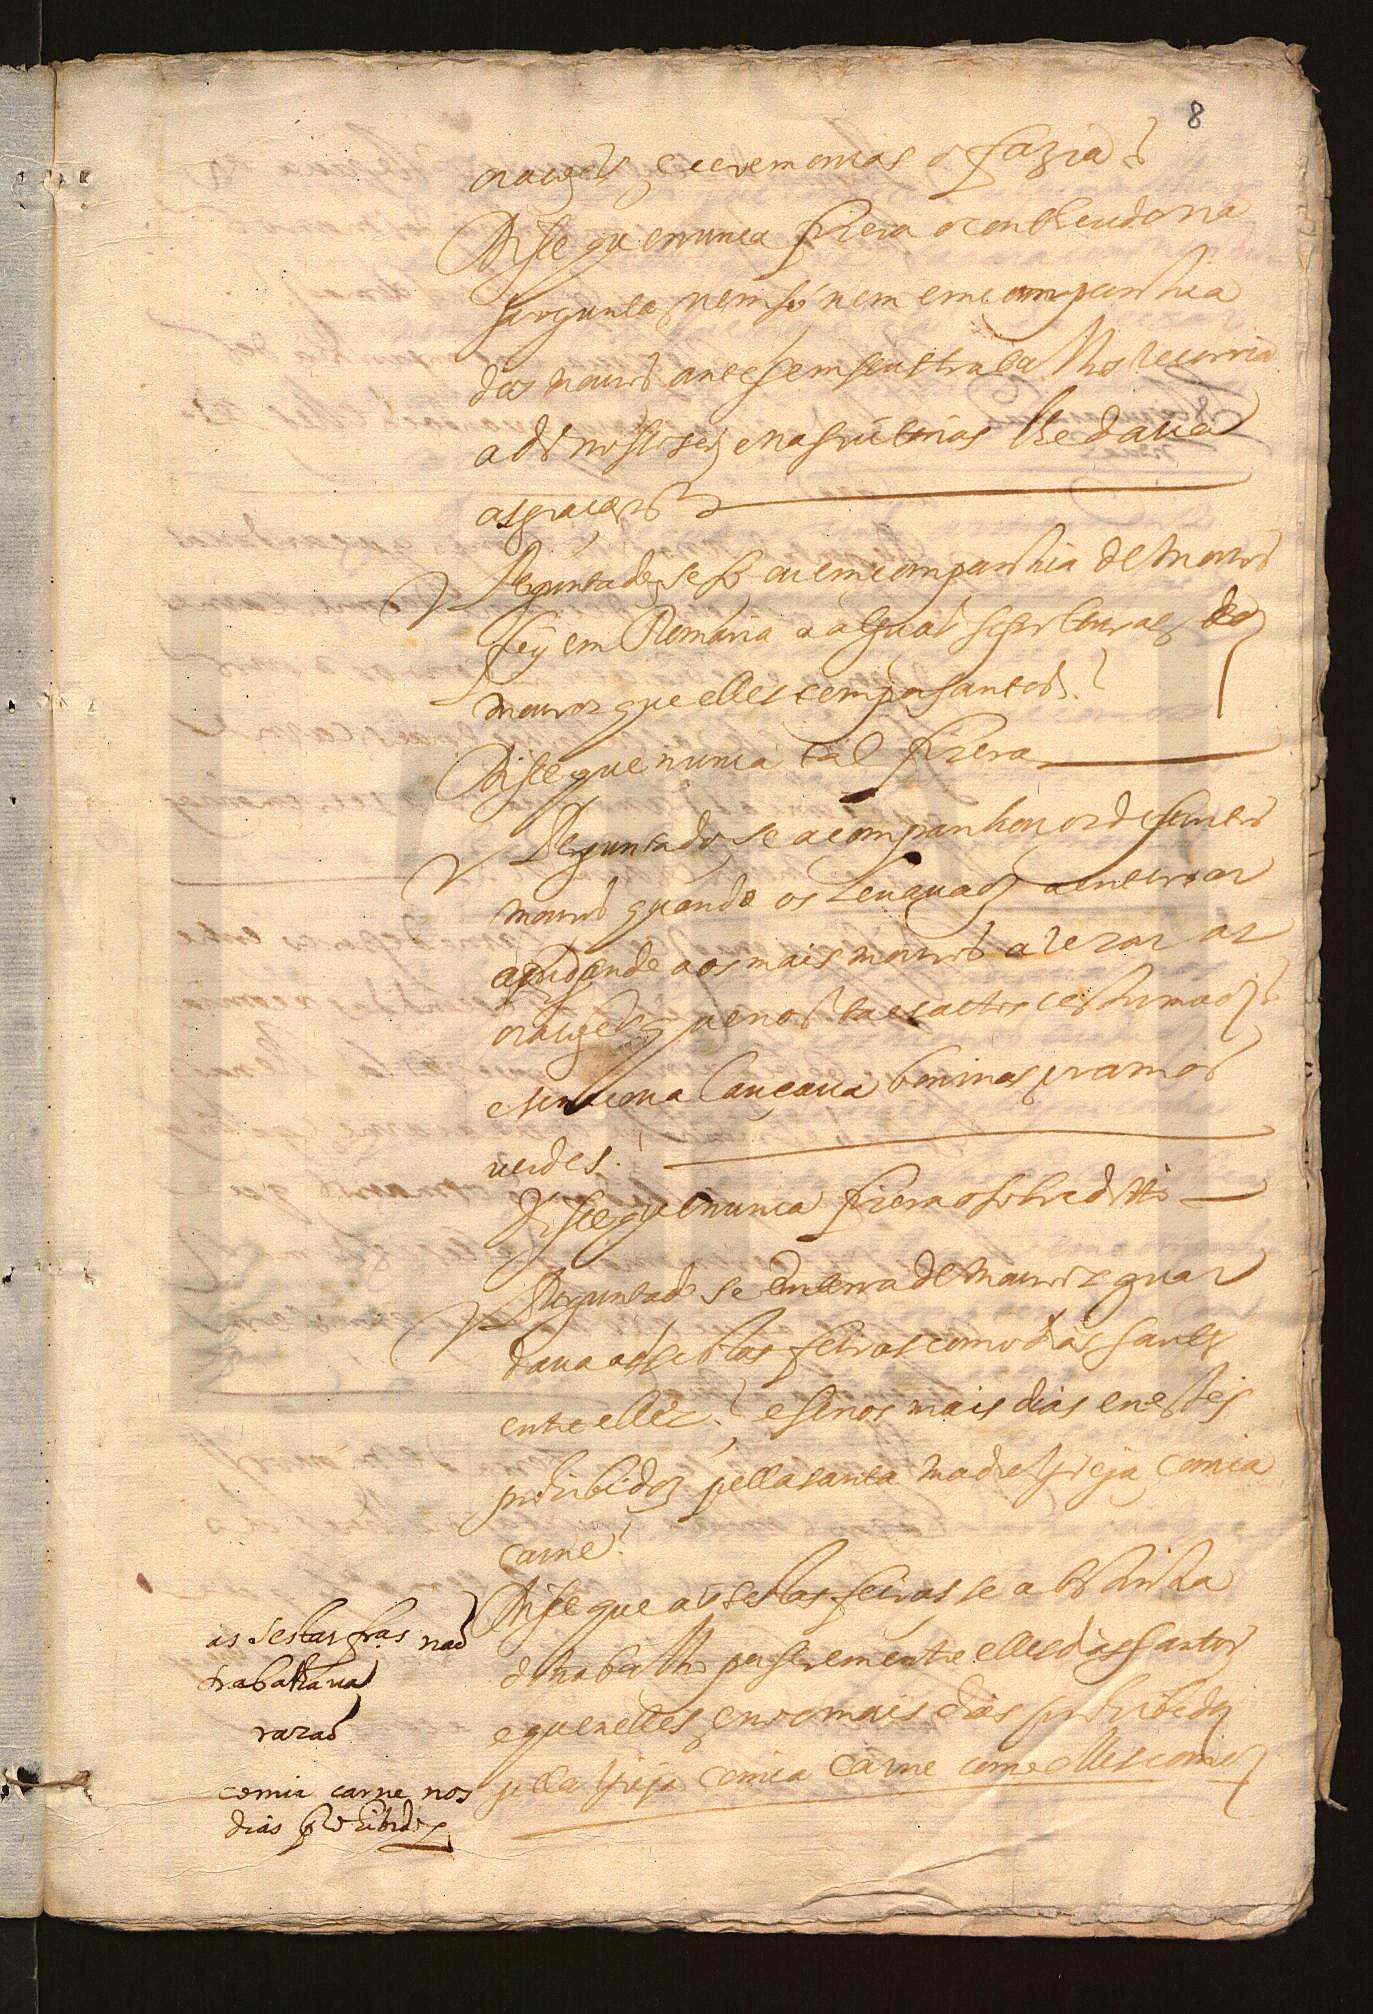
oraçoẽs e ceremonias o fazia?
Disse que nunca fizera o contheudo na
pergunta nem só nem em companhia
dos mouros antes em seus trabalhos recorria
a ds̄ nosso sor e nas uitorias lhe daua
as graças
item Perguntado se só, ou em companhia de mouros
foy em Romaria a alguās sepolturas dos
mouros que elles tem por santos?
Disse que nunca tal fizera
item Perguntado se acompanhou os defuntos
mouros quando os leuauaõ a enterrar
acudindo aos mais mouros a rezar as
oraçoẽs que nos taes actos costumaõ?
e se na coua lançaua boninas e ramos
uerdes?
Disse que nunca fizera o sobreditto
item Perguntado se en terra de mouros guar
daua as sestas feiras como dias Santos
entre elles? e se nos mais dias en estes
prohibidos pella santa madre Igreja, comia
carne?
Disse que as sestas feiras se abstinha
as sestas fr.as naõ
do trabalho por serem entre elles dias santos
trabalhaua
e que nelles e nos mais dias prohibidos
razaõ
comia carne nos
pella Igreja comia carne como elles comiā
dias prohibidos
